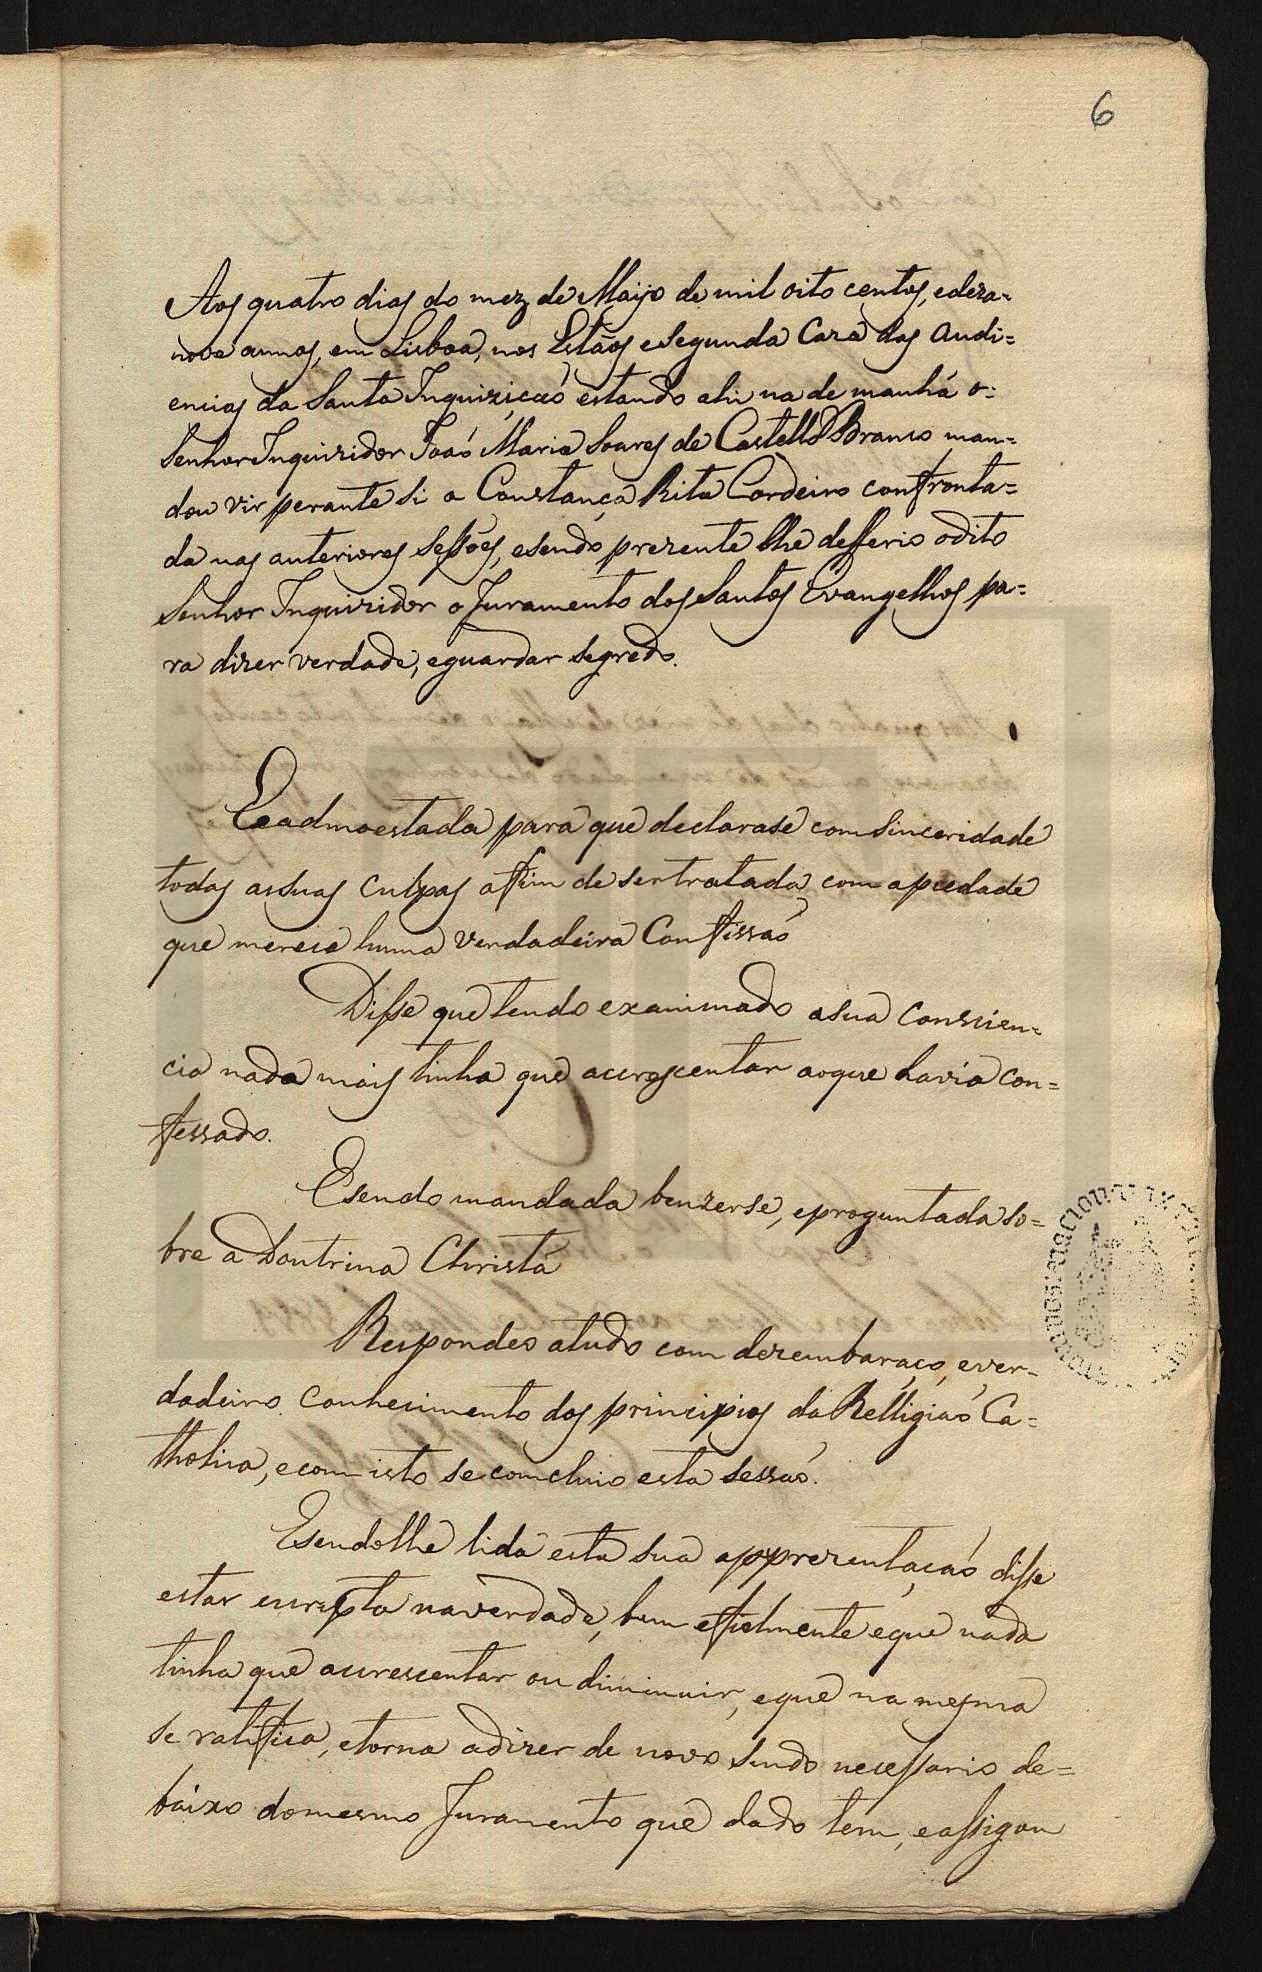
Aos quatro dias do mez de Mayo de mil oitocentos, e deza
nove annos, em Lisboa, nos Estáos e segunda Caza das audi
encias da Santa Inquiziçaõ estando ahi na de manhã o
Senhor Inquizidor Ioaõ Maria Soares de Castello Branco man
dou vir perante si a Constança Rita Cordeiro confronta=
da nas anteriores sessoẽs, e sendo prezente lhe defferio o dito
Senhor Inquizidor o Juramento dos Santos Evangelhos pa
ra dizer verdade, e guardar segredo.
E admoestada para que declarase com Sinceridade
todas as suas culpas afim de ser tratada com a piedade
que merece huma verdadeira Confissaõ
Disse que tendo exanimado a sua conscien
cia nada mais tinha que accrescentar ao que havia con
fessado.
E sendo mandada benzerse, e proguntada so
bre a Doutrina Christã
Respondeo a tudo com dezembaraço e ver
dadeiro conhecimento dos principios da Relligiaõ Ca
tholica, e com isto se comcluio esta sessaõ.
E sendolhe lida esta sua apprezentaçaõ disse
estar escripta na verdade bem e fielmente, e que nada
tinha que accrescentar ou diminuir, e que na mesma
se ratifica, e torna a dizer de novo, sendo necessario de
baixo do mesmo Juramento que dado tem, e assigou
